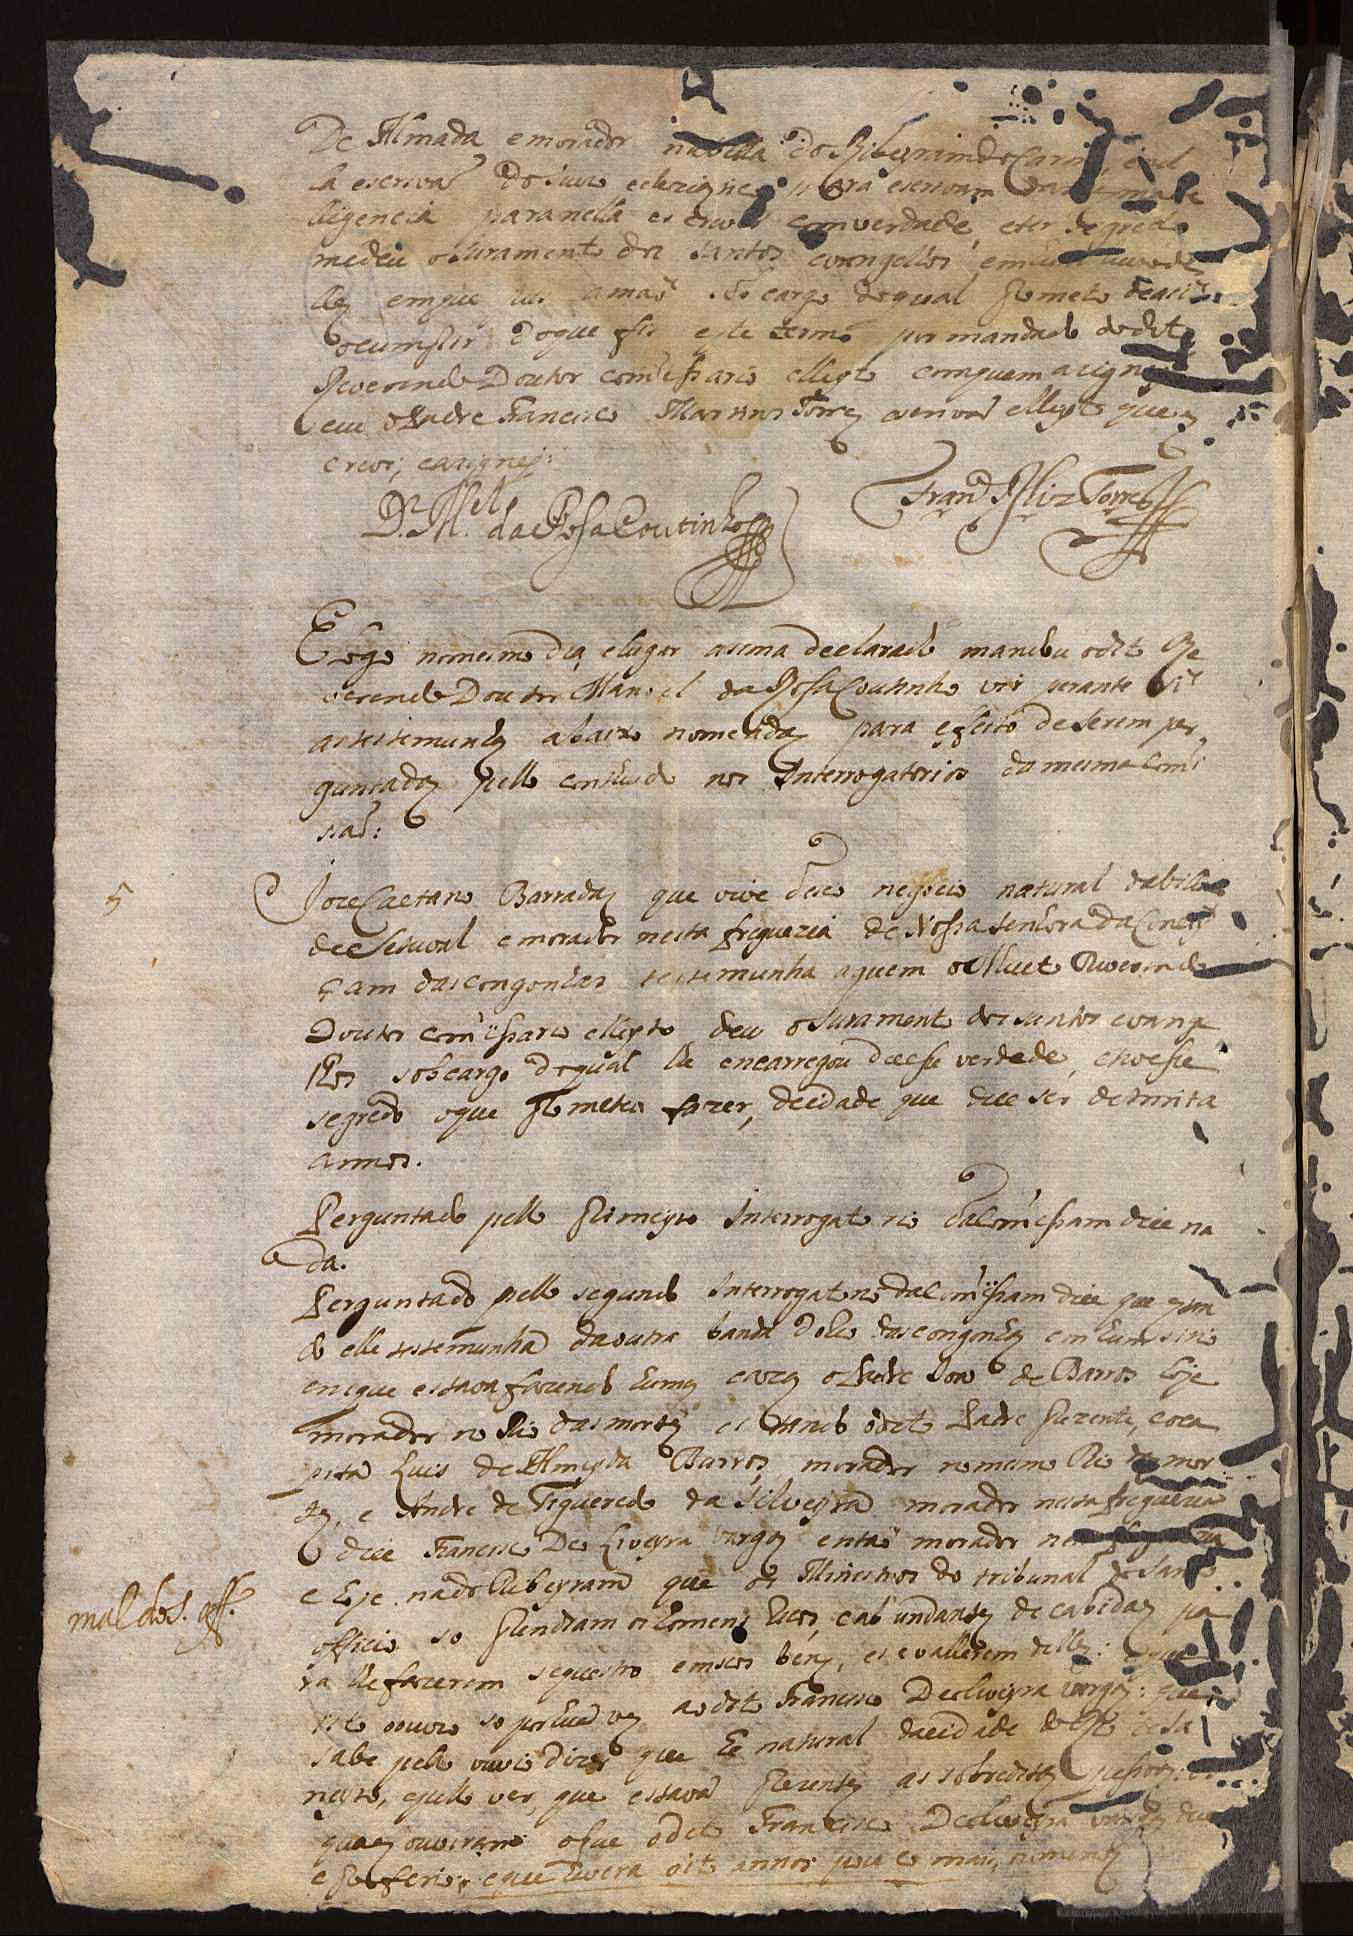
De Almada e morador na villa do Ribeyram do Carm_ e nel
la escrivaõ do iuizo ecleziastico // ora escrivam da mesma _e
ligencia para nella escrever com verdade, e ter segredo
me deu o Iuramento dos santos evangelhos em hum liuro de
lles em que pus a maõ sob cargo do qual prometo de asī
o cumprir do que fis este termo por mandado do dito
Reverendo Doutor comissario elleyto com quem asigney
e eu o Padre Francisco Martins Torres escrivaõ elleyto que es
crevi; e asignej:
D.r M.el da Rosa Coutinho
Fran.co Miz Torres
E Logo no mesmo dia, e lugar asima declarado mandou o dito Re
verendo Doutor Manoel da Rosa Coutinho vir perante si
as testemunhas abaixo nomeadas para efeito de serem per
guntadas pello contudo nos Interrogatorios da mesma comi
ssaõ:
Joze Caetano Barradas que vive de seo negocio natural da Villa
de Setuval e morador nesta freguezia de Nossa senhora da Concey
çam das congonhas testemunha a quem o Muito Reverendo
Doutor comissario elleyto deu o Iuramento dos santos evange
lhos sob cargo do qual lhe encarregou decese verdade, e tivesse
segredo o que prometeo fazer, de idade que dice ser de trinta
annos.
Perguntado pello primeyro Interrogatorio da com̄issam dice na
da.
Perguntado pello segundo Interrogatorio da com̄issam dice que estan
do elle testemunha da outra banda do Rio das congonhas em hum sitio
em que estava fazendo humas cazas o Padre Ioaõ de Barros hoje
morador no Rio das mortes estando o dito Padre pRezente, e o ca
pitā Luis de Almeyda Barros, morador no mesmo Rio das mor
tes, e Andre de Figueredo da Silveyra morador nesta freguezia
dice Francisco De oLiveyra vargas entaõ morador na
e hoje na do Ribeyram que os Ministros do tribunal do san_o
officio so pRendiam os homens Ricos, e abundantes de cabidaes pa
mal do S. off.o
ra lhe fazerem sequestro em seos bens, e se vallerem delles: que
isto o ouvio so por hua ves ao dito Francisco De oliveyra vargas: que
sabe pello ouvio dizer que he natural da cidade do Rio de Ia
neyro, e pello ver, que estavā pRezentes as sobreditas pessoas:
quaes ouviram o que o dito Francisco De oliveyra vargas dice
e pRoferio, e que havera oito annos pouco mais ou menos
